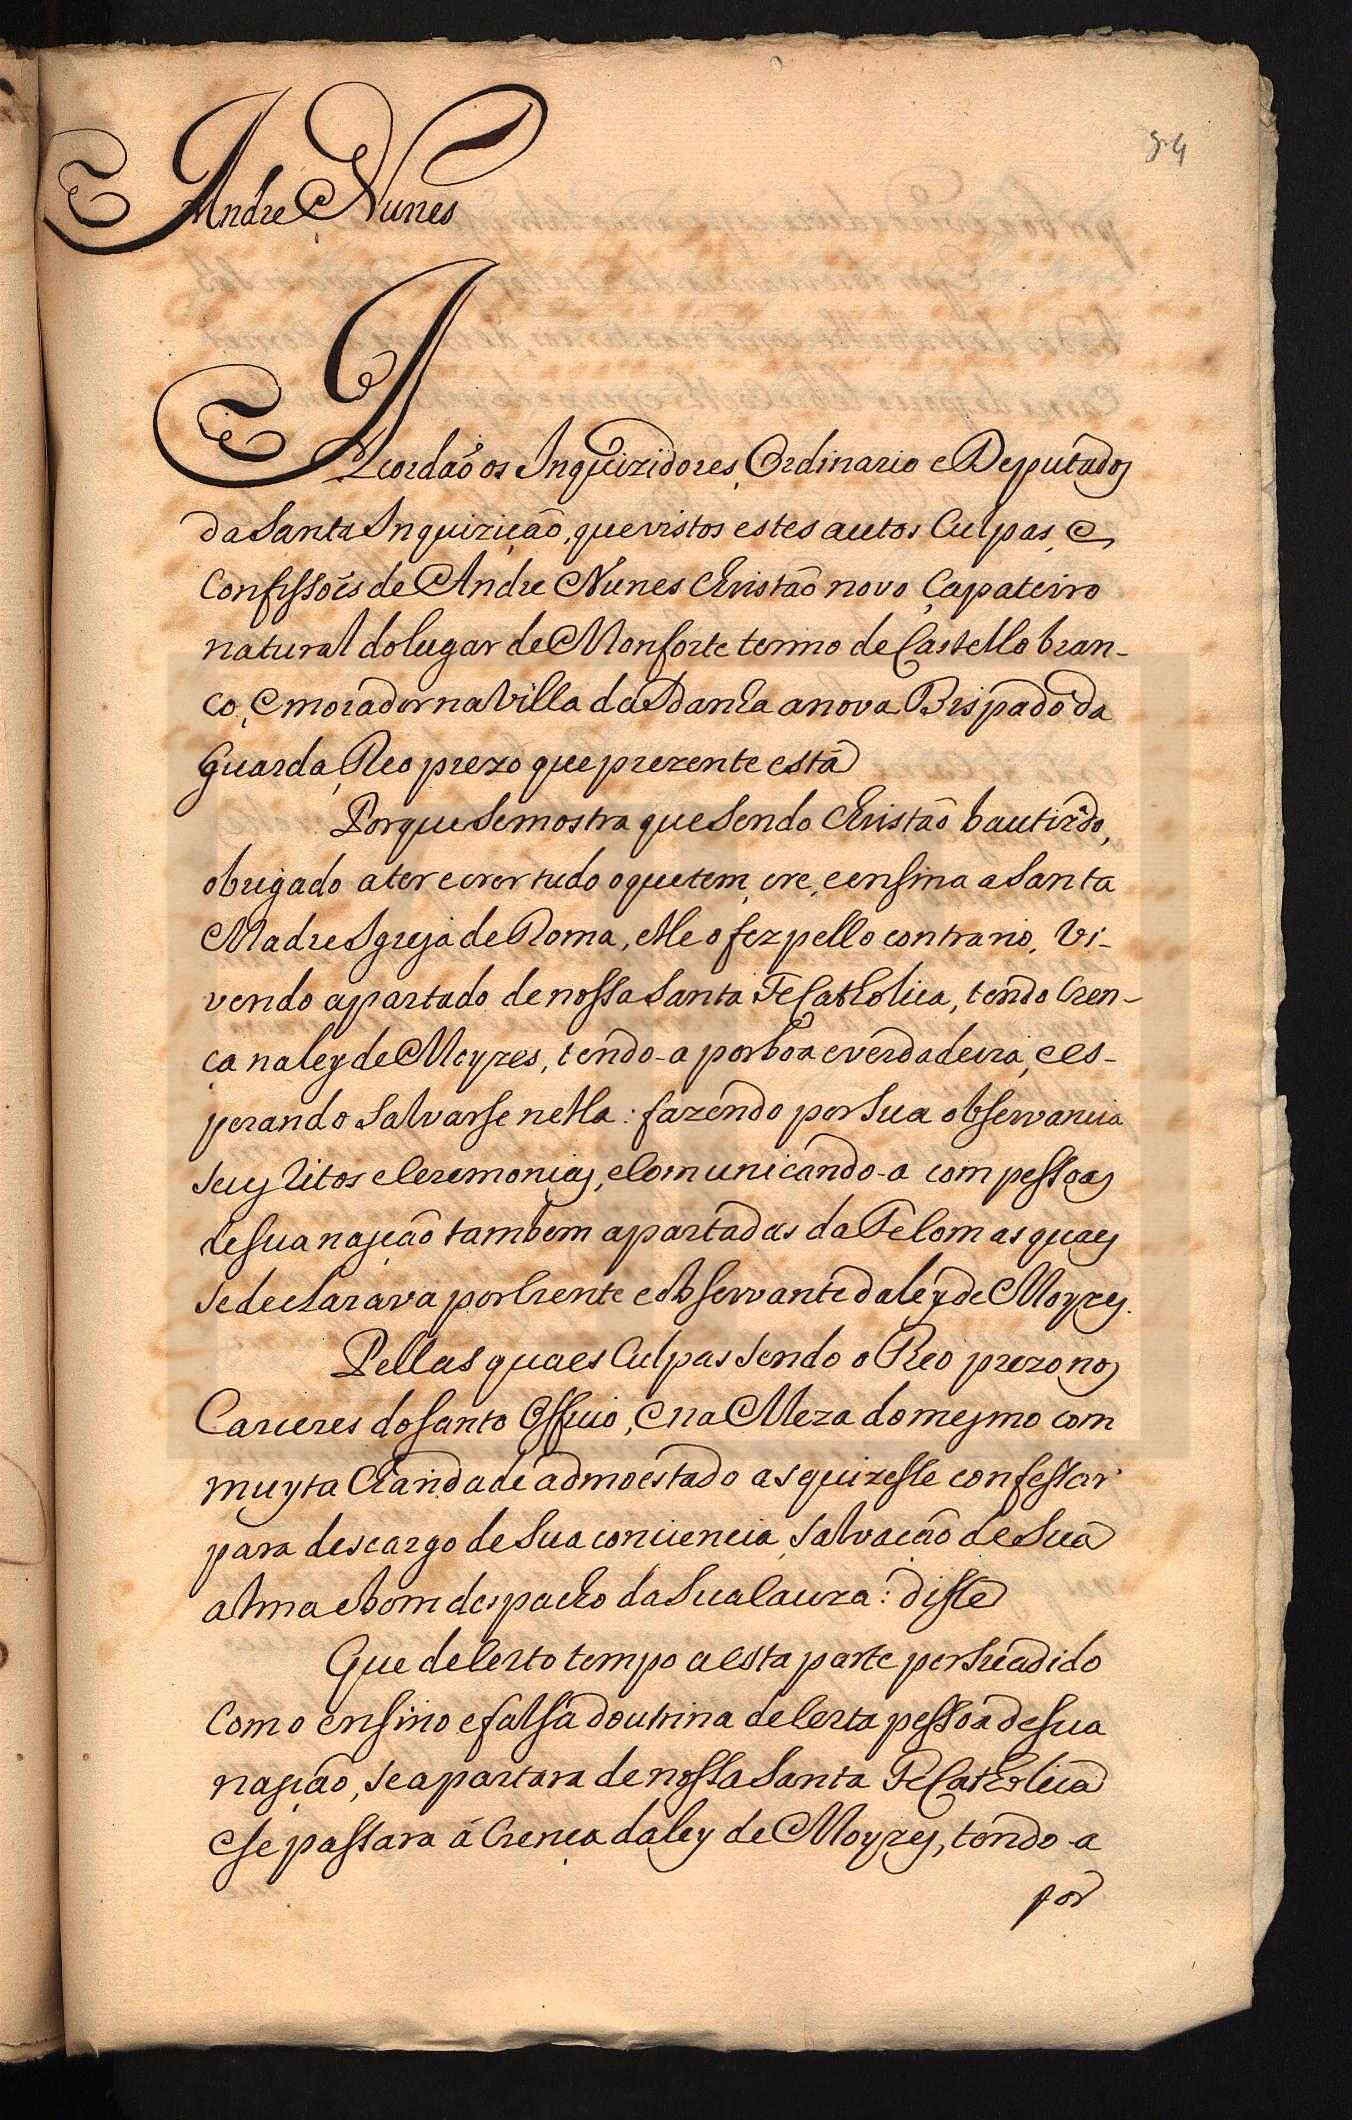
E Andre Nunes
Acordaõ os Inquizidores, Ordinario e Deputados
da Santa Inquiziçaõ, que vistos estes autos Culpas, e
Confissoẽs de Andre Nunes Christaõ novo Çapateiro
natural do Lugar de Monforte termo de Castello bran
co, e morador na Villa da Idanha a nova Bispado da
Guarda, Reo prezo que prezente está
Porque Se mostra que Sendo christaõ bautizado,
obrigado a ter e crer tudo o que tem, cre e ensina a Santa
Madre Igreja de Roma, elle o fez pello contrario, vi
vendo apartado de nossa Santa Fe Catholica, tendo cren
ça na ley de Moyzes, tendo-a por boa e verdadeira, e es
perando salvarse nella: fazendo por sua observancia
seus Ritos e Ceremonias, e Comunicando-a com pessoas
de sua nasção tambem apartadas da Fe Com as quaes
se declarava por Crente e observante da ley de Moyzes.
Pellas quaes Culpas sendo o Reo prezo nos
Carceres do santo Officio, e na Meza do mesmo com
muyta charidade admoestado as quizesse confessar
para descargo de Sua conciencia, salvaçaõ de Sua
alma e bom despacho da Sua Cauza: disCe
Que de Certo tempo a esta parte persuadido
Com o ensino e falsa doutrina de Certa pessoa de sua
nasção, se apartara de nossa Santa Fe Catholica
e se passara á Crença da ley de Moyzes, tendo-a
por
